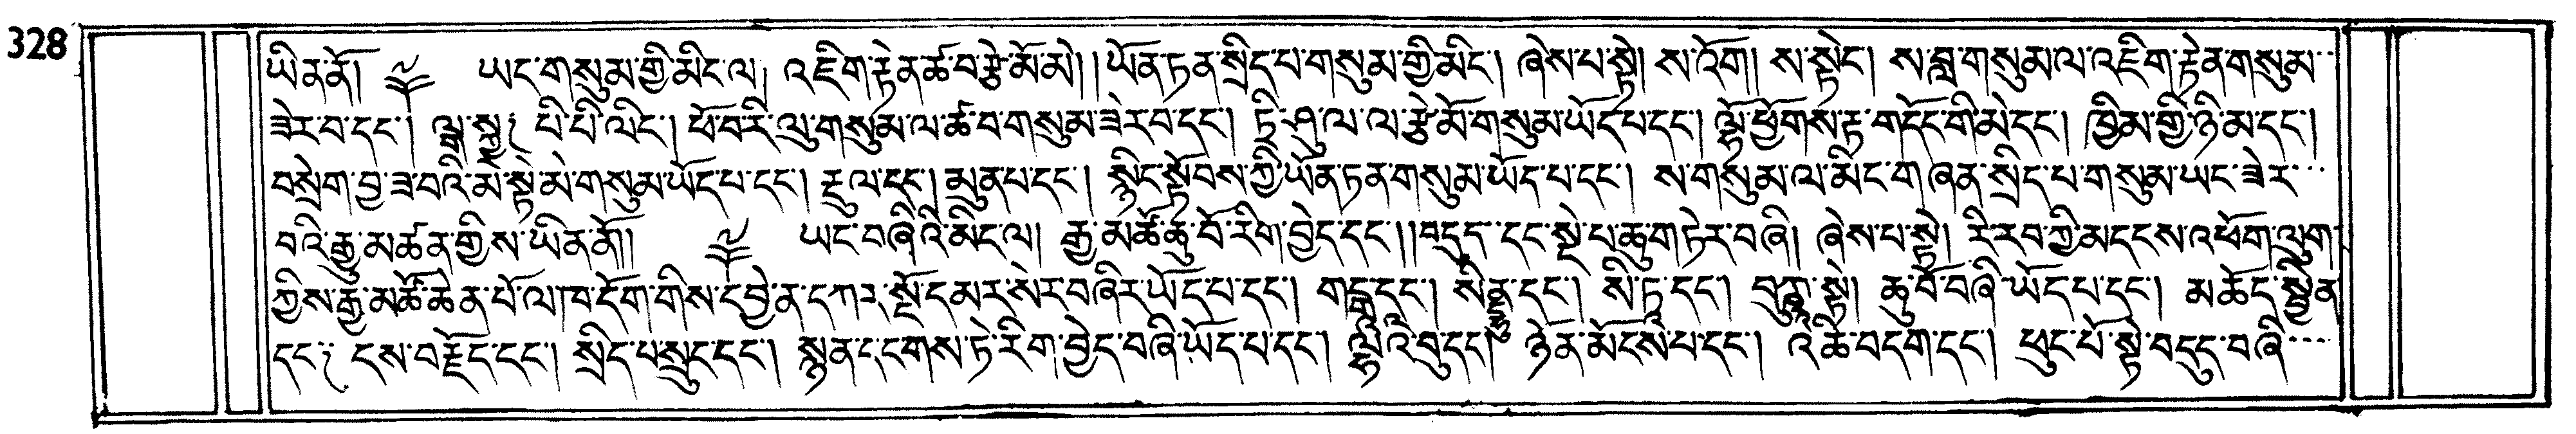ཡིན་ནོ། ༈ ཡང་གསུམ་གྱི་མིང་ལ། འཇིག་རྟེན་ཚ་བ་རྩེ་མོ་མེ། །ཡོན་ཏན་སྲིད་པ་གསུམ་གྱི་མིང་། ཞེས་པ་སྟེ། ས་འོག། ས་སྟེང་། ས་བླ་གསུམ་ལ་འཇིག་རྟེན་གསུམ་
ཟེར་བ་དང་། ལག་སྐྱ༑ པི་པི་ལིང་། ཕོ་བ་རི་ལུ་གསུམ་ལ་ཚ་བ་གསུམ་ཟེར་བ་དང་། ཏྲི་ཤུ་ལ་ལ་རྩེ་མོ་གསུམ་ཡོད་པ་དང་། ལྷོ་ཕྱོགས་རྟ་གདོང་གི་མེ་དང་། ཁྱིམ་གྱི་ཉི་མ་དང་།
བསྲེག་བྱ་ཟ་བའི་མེ་སྟེ་མེ་གསུམ་ཡོད་པ་དང་། རྔུ་དང་། མུན་པ་དང་། སྙིང་སྟོབས་ཀྱི་ཡོན་ཏན་གསུམ་ཡོད་པ་དང་། ས་གསུམ་ལ་མིང་གཞན་སྲིད་པ་གསུམ་ཡང་ཟེར་
བའི་རྒྱུ་མཚན་གྱིས་ཡིན་ནོ།། ཡང་བཞིའི་མིང་ལ། རྒྱ་མཚོ་ཆུ་བོ་རིག་བྱེད་དང་། །བདུད་དང་སྡེ་པ་ཆུ་གཏེར་བཞི། ཞེས་པ་སྟེ། རི་རབ་ཀྱི་མདངས་འཕོག་ལུག་
དང༑ དས་བརྗོད་དང་། སྲིད་པ་སྲུང་དང་། སྙན་དང་གས་ཏེ་རིག་བྱེད་བཞི་ཡོད་པ་དང་། ལྷའི་བུ་དང་། ཉོན་མོངས་པ་དང་། འཆི་བདག་དང་། ཕུང་པོ་སྟེ་བདུད་བཞི་